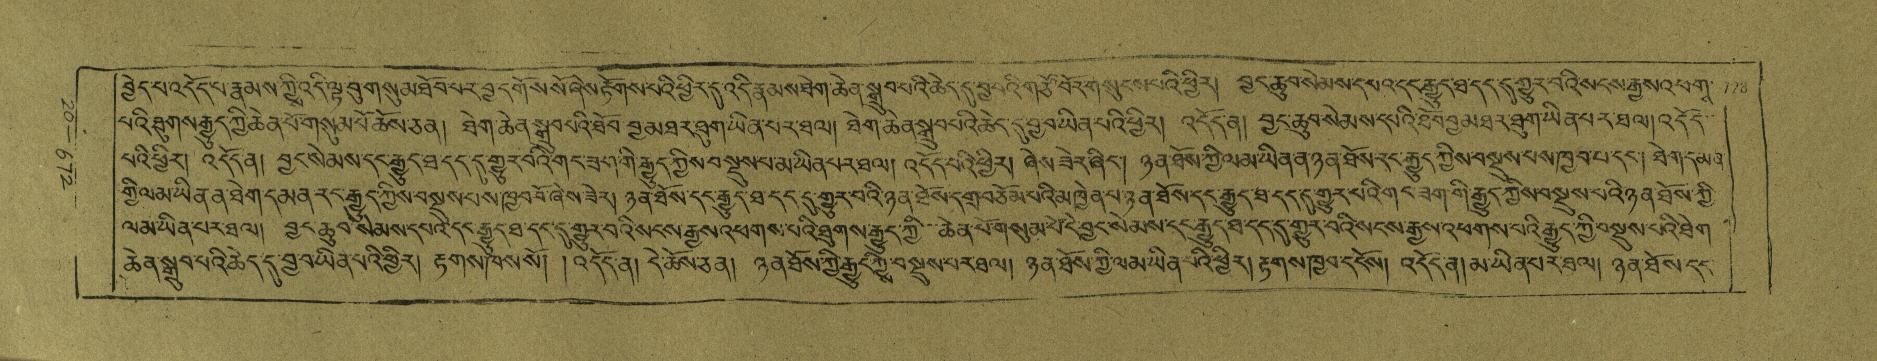བྱེད་པ་འདོད་པ་རྣམས་ཀྱིས་འདི་ལྟ་བུ་གསུམ་ཐོབ་པར་བྱ་དགོས་སོ་ཞེས་རྟོགས་པའི་ཕྱིར་དུ་འདི་རྣམས་ཐེག་ཆེན་སྒྲུབ་པའི་ཆེད་དུ་བྱ་བའི་གཙོ་བོར་གསུངས་པའི་ཕྱིར། བྱང་ཆུབ་སེམས་དཔའ་དང་རྒྱུད་ཐ་དད་དུ་གྱུར་བའི་སངས་རྒྱས་འཕགས་
པའི་ཐུགས་རྒྱུད་ཀྱི་ཆེན་པོ་གསུམ་པོ་ཆོས་ཅན། ཐེག་ཆེན་སྒྲུབ་པའི་ཐོབ་བྱ་མཐར་ཐུག་ཡིན་པར་ཐལ། ཐེག་ཆེན་སྒྲུབ་པའི་ཆེད་དུ་བྱ་བ་ཡིན་པའི་ཕྱིར། འདོད་ན། བྱང་ཆུབ་སེམས་དཔའི་ཐོབ་བྱ་མཐར་ཐུག་ཡིན་པར་ཐལ། འདོད་
པའི་ཕྱིར། འདོད་ན། བྱང་སེམས་དང་རྒྱུད་ཐ་དད་དུ་གྱུར་བའི་གང་ཟག་གི་རྒྱུད་ཀྱིས་བསྡུས་པ་མ་ཡིན་པར་ཐལ། འདོད་པའི་ཕྱིར། ཞེས་ཟེར་ཞིང་། ཉན་ཐོས་ཀྱི་ལམ་ཡིན་ན་ཉན་ཐོས་རང་རྒྱུད་ཀྱིས་བསྡུས་པས་ཁྱབ་པ་དང་། ཐེག་དམན་
གྱི་ལམ་ཡིན་ན་ཐེག་དམན་རང་རྒྱུད་ཀྱིས་བསྡུས་པས་ཁྱབ་བོ་ཞེས་ཟེར། ཉན་ཐོས་དང་རྒྱུད་ཐ་དད་དུ་གྱུར་བའི་ཉན་ཐོས་དགྲ་བཅོམ་པའི་མཁྱེན་པ་ཉན་ཐོས་དང་རྒྱུད་ཐ་དད་དུ་གྱུར་པའི་གང་ཟག་གི་རྒྱུད་ཀྱིས་བསྡུས་པའི་ཉན་ཐོས་ཀྱི་
ལམ་ཡིན་པར་ཐལ། བྱང་ཆུབ་སེམས་དཔའ་དང་རྒྱུད་ཐ་དད་དུ་གྱུར་བའི་སངས་རྒྱས་འཕགས་པའི་ཐུགས་རྒྱུད་ཀྱི་ཆེན་པོ་གསུམ་པོ་དེ་བྱང་སེམས་དང་རྒྱུད་ཐ་དད་དུ་གྱུར་བའི་སངས་རྒྱས་འཕགས་པའི་རྒྱུད་ཀྱི་བསྡུས་པའི་ཐེག་
ཆེན་སྒྲུབ་པའི་ཆེད་དུ་བྱ་བ་ཡིན་པའི་ཕྱིར། རྟགས་ཁས་སོ། །འདོད་ན། དེ་ཆོས་ཅན། ཉན་ཐོས་ཀྱི་རྒྱུད་ཀྱིས་བསྡུས་པར་ཐལ། ཉན་ཐོས་ཀྱི་ལམ་ཡིན་པའི་ཕྱིར། རྟགས་ཁྱབ་དངོས། འདོད་ན། མ་ཡིན་པར་ཐལ། ཉན་ཐོས་དང་